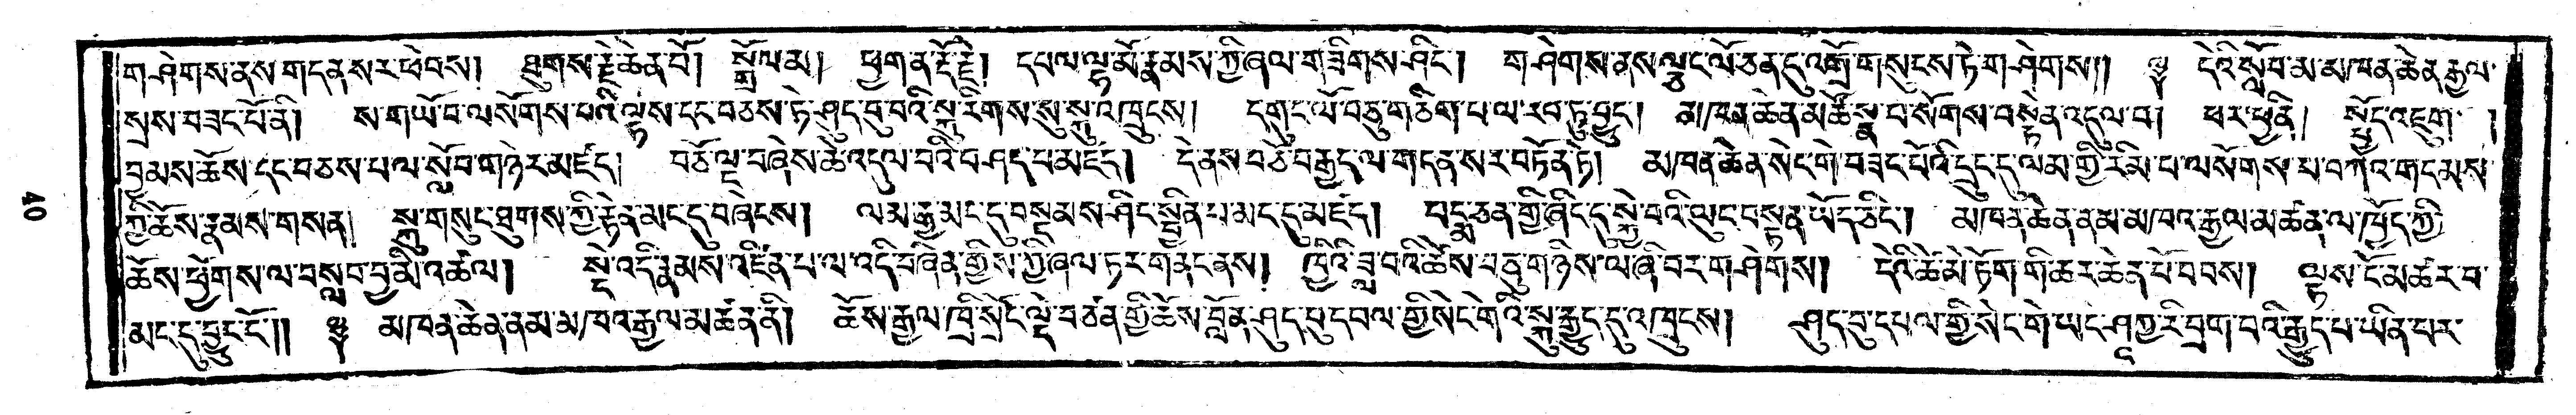གཤེགས་ནས་གདན་སར་ཕེབས། ཐུགས་རྗེ་ཆེན་པོ། སྒྲོལ་མ། ཕྱག་ན་རྡོ་རྗེ། དཔལ་ལྷ་མོ་རྣམས་ཀྱི་ཞལ་གཟིགས་ཤིང་། གཤེགས་ནས་ལྕང་ལོ་ཅན་དུ་འགྲོ་གསུངས་ཏེ་གཤེགས།། ༈ དེའི་སློབ་མ་མཁན་ཆེན་རྒྱལ་
སྲས་བཟང་པོ་ནི། ས་གཡོ་བ་ལ་སོགས་པའི་ལྟས་དང་བཅས་ཏེ་ཤུད་བུ་བའི་སྐུ་རིགས་སུ་བསྐུ་འཁྲུངས། དགུང་ལོ་བཅུ་གཏིག་པ་ལ་རབ་ཏུ་བྱུང་། མཁན་ཆེན་མཚོ་སྣ་བ་སོགས་བསྟེན་འདུལ་བ། ཕར་ཕྱིན། སྤོད་འཇུག །
བྱམས་ཆོས་དང་བཅས་པ་ལ་སློབ་གཉེར་མཛད། བཅོ་ལྔ་བཞེས་ཆེ་འདུལ་བའི་བཤད་པ་མཛད། དེ་ནས་བཅོ་བརྒྱད་ལ་གདན་སར་བཏོན་ཏེ། མཁན་ཆེན་སེང་གེ་བཟང་པོའི་དྲུང་དུ་ལམ་གྱི་རིམ་པ་ལ་སོགས་པ་བཀའ་གདམས་
ཀྱི་ཆོས་རྣམས་གསན། སྐུ་གསུང་ཐུགས་ཀྱི་རྟེན་མང་དུ་བཞེངས། ལམ་རྒྱ་མང་དུ་བསྡམས་ཤིང་སྦྱིན་པ་མང་དུ་མཛད། པདམ་ཅན་གྱི་ཞིང་དུ་སྐྱེ་བའི་ལུང་བསྟན་ཡོད་ཅིང་། མཁན་ཆེན་ནམ་མཁའ་རྒྱལ་མཚན་ལ་ཁྱོད་ཀྱི་
ཆོས་ཕྱོགས་ལ་བསླབ་བྱ་མི་འཚལ། སྡེ་འདི་རྣམས་འཛིན་པ་ལ་འདི་བཞིན་གྱིས་ཀྱི་ཞལ་ཏར་གནང་ནས། ཁྱིའི་ཟླ་བའི་ཚེས་བཅུ་གཉིས་ལ་ཞི་བར་གཤེགས། དེའི་ཚེ་མེ་ཏོག་གི་ཆར་ཆེན་པོ་བབས། ལྟས་ངོ་མཚར་བ་
མང་དུ་བྱུང་ངོ།། ༈ མཁན་ཆེན་ནམ་མཁའ་རྒྱལ་མཚན་ནི། ཆོས་རྒྱལ་ཁྲི་སྲོང་ལྡེ་བཙན་གྱི་ཆོས་བློན་ཤུད་པུ་དཔལ་གྱི་སེང་གེའི་སྐུ་རྒྱུད་དུ་འཁྲུངས། ཤུད་བུ་དཔལ་གྱི་སེང་གེ་ཡང་ཤཱཀྱ་རི་བྲག་པའི་རྒྱུད་པ་ཡིན་པ་